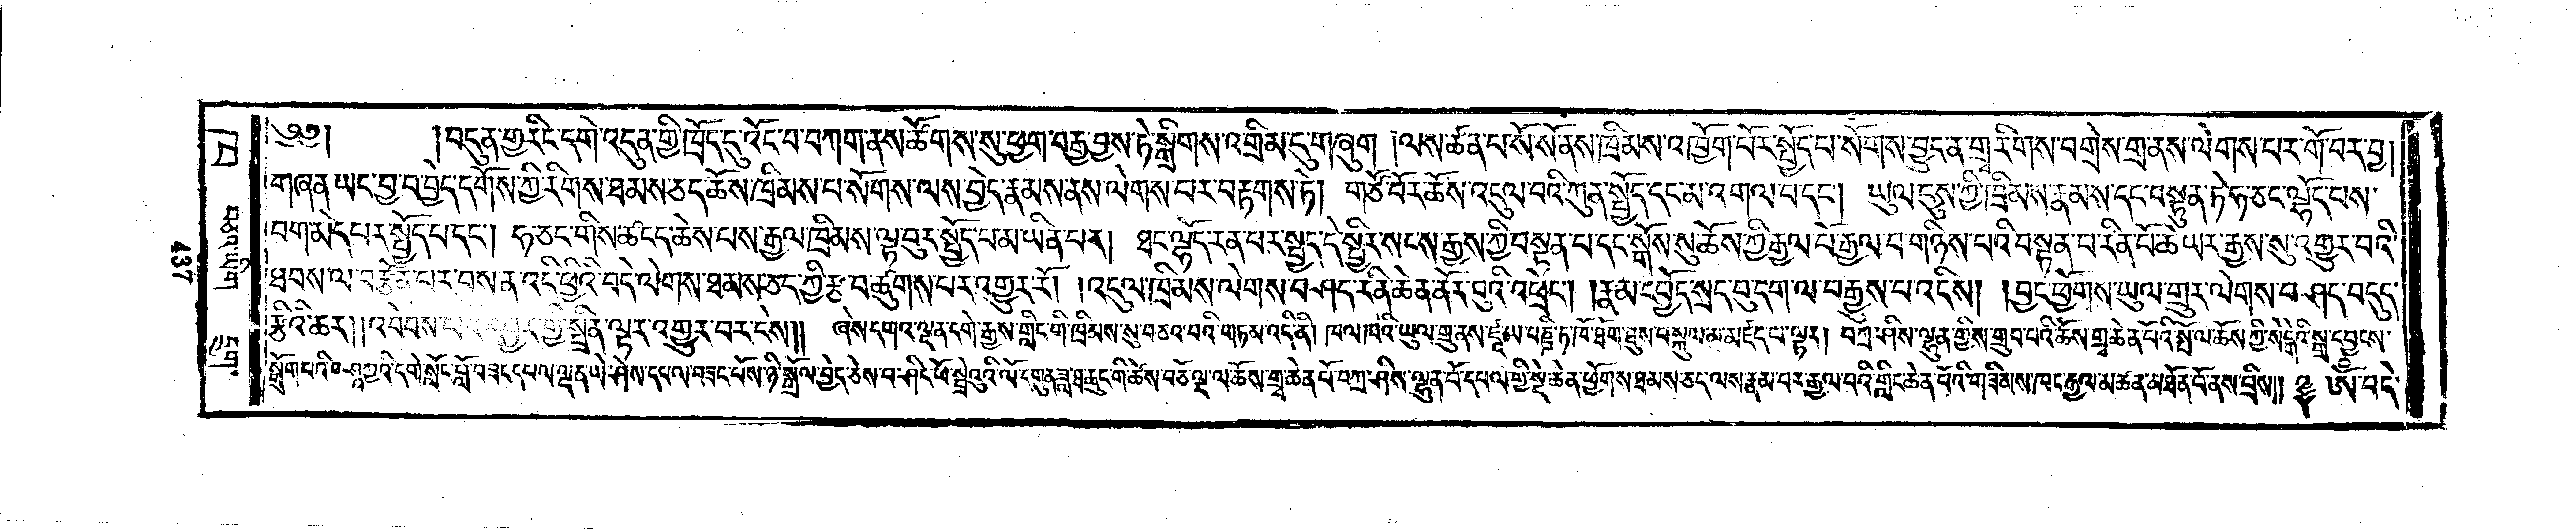༄༅། །བདུན་གྱ་རིང་དགེ་འདུན་གྱི་ཁྲོད་དུ་འོང་བ་བཀག་ནས་ཚོགས་སུ་ཕྱག་བརྒྱ་བྱས་ཏེ་སྒྲིགས་འགྲིམ་དུ་གཞུག །ལས་ཚ་ན་པ་སོ་སོ་ནས་ཁྲིམས་འཁྱོག་པོར་སྤྱོད་པ་སོགས་བྱུང་ན་གྲྭ་རིགས་བགྲེས་གྲ་ནས་ལེགས་པར་གོ་བར་བྱ།
གཞན་ཡང་བྱ་བ་བྱེད་དགོས་ཀྱི་རིགས་ཐམས་ཅད་ཆོས་ཁྲིམས་པ་སོགས་ལས་བྱེད་རྣམས་ནས་ལེགས་པར་བརྟགས་ཏེ། གཙོ་བོར་ཆོས་འདུལ་བའི་ཀུན་སྤྱོད་དང་མ་འགལ་བ་དང་། ཡུལ་དུས་ཀྱི་ཁྲིམས་རྣམས་དང་བསྟུན་ཏེ་ཧ་ཅང་ལྷོད་པས་
བག་མེད་པར་སྤྱོད་པ་དང་། ཧ་ཅང་གིས་ཚ་ངད་ཆེས་པས་རྒྱལ་ཁྲིམས་ལྟ་བུར་སྤྱོད་པ་མ་ཡིན་པར། ཐང་ལྷོད་རན་པར་སྤྱད་དེ་སྦྱིར་སངས་རྒྱས་ཀྱི་བསྟན་པ་དང་སྒོས་སུ་ཆོས་ཀྱི་རྒྱལ་པོ་རྒྱལ་བ་གཉིས་པའི་བསྟན་པ་རིན་པོ་ཆེ་ཡར་རྒྱས་སུ་འགྱུར་བའི་
ཐབས་ལ་བརྩོན་པར་བྱས་ན་འདི་ཕྱིའི་བདེ་ལེགས་ཐམས་ཅད་ཀྱི་རྩ་བ་ཚུགས་པར་འགྱུར་རོ། །འདུལ་ཁྲིམས་ལེགས་བཤད་རིན་ཆེན་ནོར་བུའི་འཕྲེང་། །རྣམ་དཔྱོད་སྲད་བུ་དག་ལ་བརྒྱུས་པ་འདིས། །བྱང་ཕྱོགས་ཡུལ་གྲུར་ལེགས་བཤད་བདུད་
རྩིའི་ཆར། །འབེབས་པའི་དབྱར་གྱི་སྤྲིན་ལྟར་འགྱུར་བར་ངེས།། ཞེས་དགའ་ལྡན་དགེ་རྒྱས་གླིང་གི་ཁྲིམས་སུ་བཅའ་བའི་གཏམ་འདི་ནི། ཁལ་ཁའི་ཡུལ་གྲུ་ནས་ཛཱ་ཡ་པཎྜི་ཏ་ཁོ་ཐོག་ཐུས་བསྐུལ་མ་མཛད་པ་ལྟར། བཀྲ་ཤིས་ལྷུན་གྱིས་གྲུབ་པའི་ཆོས་གྲྭ་ཆེན་པོའི་སྤོ་ལ་ཆོས་ཀྱི་སེངྒེའི་སྒྲ་དབྱངས་
སྒྲོག་པའི་ཤཱཀྱའི་དགེ་སློང་བློ་བཟང་དཔལ་ལྡན་ཡེ་ཤེས་དཔལ་བཟང་པོས་ཉི་སྒྲོལ་བྱེད་ཅེས་བ་ཤིང་ཕོ་སྦྲེའུའི་ལོ་དགུན་ཟླ་ཐ་ཆུང་གི་ཚེས་བཅོ་ལྔ་ལ་ཆོས་གྲྭ་ཆེན་པོ་བཀྲ་ཤིས་ལྷུན་བོ་དཔལ་གྱི་སྡེ་ཆེན་ཕྱོགས་ཐམས་ཅད་ལས་རྣམ་པར་རྒྱལ་བའི་གླིང་ཆེན་པོའི་གཟིམས་ཁང་རྒྱལ་མཚན་མཐོན་བོ་ནས་བྲིས།། ༈ ཨོཾ་བདེ་